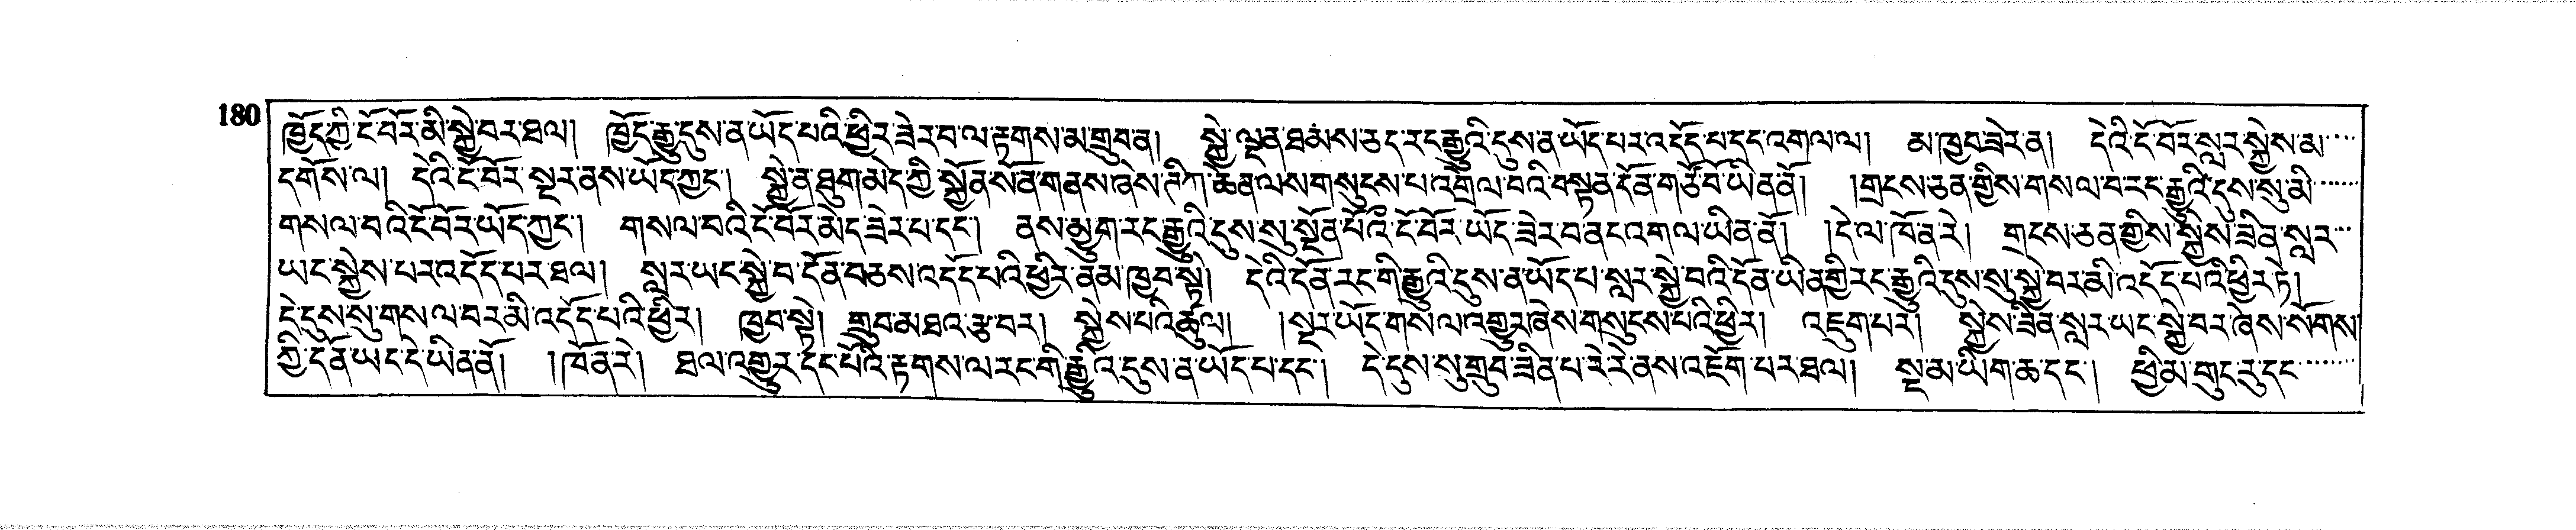ཁྱོད་ཀྱི་ངོ་བོར་མི་སྐྱེ་བར་ཐལ། ཁྱོད་རྒྱུ་དུས་ན་ཡོད་པའི་ཕྱིར་ཟེར་བ་ལ་རྟགས་མ་གྲུབ་ན། སྐྱེ་ལྡན་ཐམས་ཅད་རང་རྒྱུའི་དུས་ན་ཡོད་པར་འདོད་པ་དང་འགལ་ལ། མ་ཁྱབ་ཟེར་ན། དེའི་ངོ་བོར་སླར་སྐྱེས་མ་
དགོས་ལ། དེའི་ངོ་བོར་སྔར་ནས་ཡོད་ཀྱང་། སྐྱེ་ན་ཐུག་མེད་ཀྱི་སྐྱོན་སོ་ན་གནས་ཞེས་ཊིཀ་ཆེན་ལས་གསུངས་པ་འགྲེལ་བའི་བསྟན་དོན་གཙོ་བོ་ཡིན་ནོ། །གྲངས་ཅན་གྱིས་གསལ་བ་རང་རྒྱུའི་དུས་སུ་མི་
གསལ་བའི་ངོ་བོར་ཡོད་ཀྱང་། གསལ་བའི་ངོ་བོར་མེད་ཟེར་བ་དང་། ནས་མྱུག་རང་རྒྱུའི་དུས་སུ་སྔོན་པོའི་ངོ་བོར་ཡོད་ཟེར་བ་ནང་འགལ་ཡིན་ནོ། །དེ་ལ་ཁོ་ན་རེ། གྲངས་ཅན་གྱིས་སྐྱེས་ཟིན་སླར་
ཡང་སྐྱེས་པར་འདོད་པར་ཐལ། སླར་ཡང་སྐྱེ་བ་དོན་བཅས་འདོད་པའི་ཕྱིར་ནམ་ཁྱབ་སྟེ། དེའི་དོན་རང་གི་རྒྱུའི་དུས་ན་ཡོད་པ་སླར་སྐྱེ་བའི་དོན་ཡིན་གྱི་རང་རྒྱུའི་དུས་སུ་སྐྱེ་བར་མི་འདོད་པའི་ཕྱིར་ཏེ།
དེ་དུས་སུ་གསལ་བར་མི་འདོད་པའི་ཕྱིར། ཁྱབ་སྟེ། གྲུབ་མཐའ་རྩ་བར། སྐྱེས་པའི་ཚུལ། །སྔར་ཡོད་གསལ་འགྱུར་ཞེས་གསུངས་པའི་ཕྱིར། འཇུག་པར། སྐྱེས་ཟིན་སླར་ཡང་སྐྱེ་བར་ཞེས་སོགས་
ཀྱི་དོན་ཡང་དེ་ཡིན་ནོ། །ཁོ་ན་རེ། ཐལ་འགྱུར་དང་པོའི་རྟགས་ལ་རང་གི་རྒྱུའི་དུས་ན་ཡོད་པ་དང་། དེ་དུས་སུ་གྲུབ་ཟིན་པ་རེ་རེ་ནས་འཇོག་པར་ཐལ། སྔ་མ་ཡིག་ཆ་དང་། ཕྱི་མ་གུང་རུ་དང་